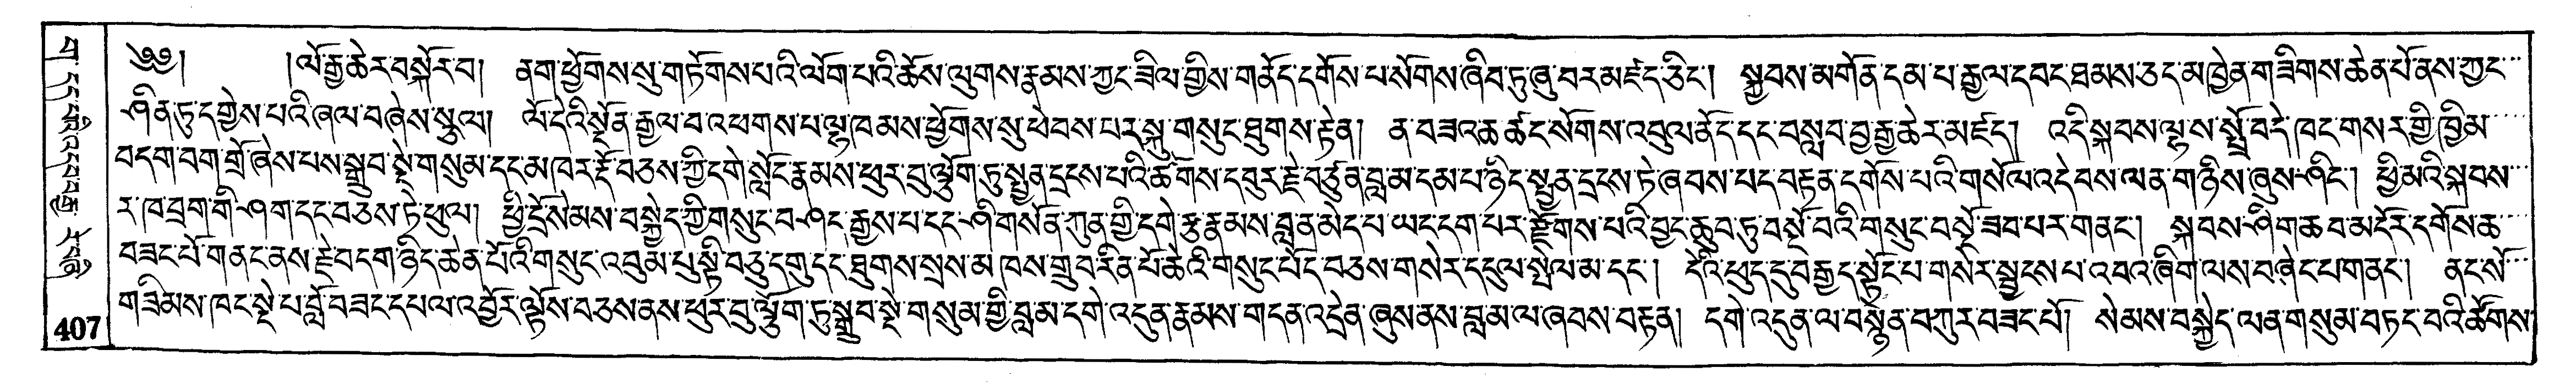༄༅། །ལོ་རྒྱ་ཆེར་བསྐོར་བ། ནག་ཕྱོགས་སུ་གཏོགས་པའི་ལོག་པའི་ཆོས་ལུགས་རྣམས་ཀྱང་ཟིལ་གྱིས་གནོན་དགོས་པ་སོགས་ཞིབ་ཏུ་ཞུ་བར་མཛད་ཅིང་། སྐྱབས་མགོན་དམ་པ་རྒྱལ་དབང་ཐམས་ཅད་མཁྱེན་གཟིགས་ཆེན་པོ་ནས་ཀྱང་
ཤིན་ཏུ་དགྱེས་པའི་ཞལ་བཞེས་སྩལ། ལོ་དེའི་སྟོན་རྒྱལ་བ་འཕགས་པ་ལྷ་ཁམས་ཕྱོགས་སུ་ཕེབས་པར་སྐུ་གསུང་ཐུགས་རྟེན། ན་བཟའ་ཆ་ཚང་སོགས་འབུལ་ནོད་དང་བསླབ་བྱ་རྒྱ་ཆེར་མཛད། འདི་སྐབས་ལྷ་ས་སྤྲོ་བདེ་ཁང་གསར་གྱི་ཁྱིམ་
བདག་བག་གྲོ་ཞེས་པས་སྒྲུབ་སྡེ་གསུམ་དང་མཁར་རྡོ་བཅས་ཀྱི་དགེ་སློང་རྣམས་ཕུར་བུ་ལྕོག་ཏུ་སྤྱན་དྲངས་པའི་ཚོགས་དབུར་རྗེ་བཙུན་བླ་མ་དམ་པ་ཉིད་སྤྱན་དྲངས་ཏེ་ཞབས་པད་བརྟན་དགོས་པའི་གསོལ་འདེབས་ལན་གཉིས་ཞུས་ཤིང་། ཕྱི་མའི་སྐབས་
ར་ཁ་བྲག་གི་ཤག་དང་བཅས་ཏེ་ཕུལ། ཕྱི་དྲོ་སེམས་བསྐྱེད་ཀྱི་གསུང་བཤད་རྒྱས་པ་དང་ཤི་གསོན་ཀུན་གྱི་དགེ་རྩ་རྣམས་བླ་ན་མེད་པ་ཡང་དག་པར་རྫོགས་པའི་བྱང་ཆུབ་ཏུ་བསྔོ་བའི་གསུང་པ་སྔོ་ཟབ་པར་གནང་། སྐབས་ཤིག་ཆབ་མདོར་དགོས་ཆ་
བཟང་པོ་གནང་ནས་རྗེ་བདག་ཉིད་ཆེན་པོའི་གསུང་འབུམ་པུ་སྟི་བཅུ་དགུ་དང་ཐུགས་སྲས་མཁས་གྲུབ་རིན་པོ་ཆེའི་གསུང་པོད་བཅས་གསེར་དངུལ་སྤེལ་མ་དང་། དེའི་ཕུད་དུ་བརྒྱད་སྟོང་པ་གསེར་སྦྱངས་པ་འབའ་ཞིག་ལས་བཞེང་བ་གནང་། ནང་སོ་
གཟིམས་ཁང་སྡེ་པ་བློ་བཟང་དཔལ་འབྱོར་ལྟོས་བཅས་ནས་ཕུར་བུ་ལྕོག་ཏུ་སྒྲུབ་སྡེ་གསུམ་གྱི་བླ་མ་དགེ་འདུན་རྣམས་གདན་འདྲེན་ཞུས་ནས་བླ་མ་ལ་ཞབས་བརྟན། དགེ་འདུན་ལ་བསྙེན་བཀུར་བཟང་པོ། སེམས་བསྐྱེད་ལན་གསུམ་བཏང་བའི་ཚོགས་